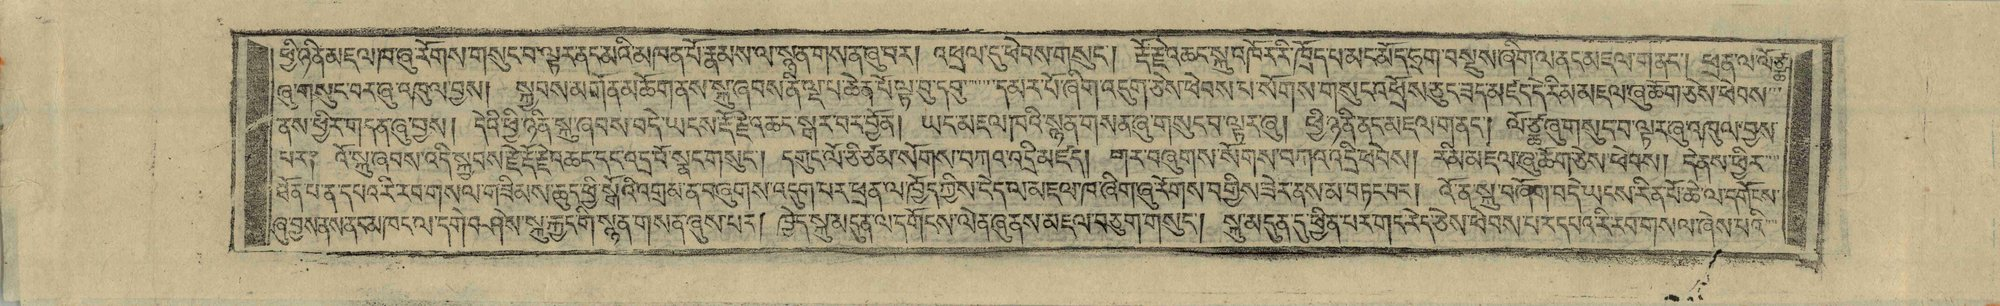ཕྱི་ཉིན་མཇལ་ཁ་ཞུ་རོགས་གསུང་བ་ལྟར་ནང་མའི་མཁན་པོ་རྣམས་ལ་སྙན་གསན་ཞུ་བར། འཕྲལ་དུ་ཕེབས་གསུང་། རྡོ་རྗེ་འཆང་སྐུ་འཁོར་རི་ཁྲོད་པ་མང་མོད་ཧྲག་བསྡུས་ཞིག་ལ་ནང་མཇལ་གནང་། ཕྲན་ལ་ལོ་ཙྪ་
ཞུ་གསུང་བར་ཞུ་འཁུལ་བྱས། སྐྱབས་མགོན་མཆོག་ནས་སྐུ་ཞབས་ནི་ལྔ་པ་ཆེན་པོ་ལྟ་བུ་དབུ་དམར་པོ་ཞིག་འདུག་ཅེས་ཕེབས་པ་སོགས་གསུང་འཕྲོས་ཅུང་ཟད་མཛད་དེ་རིམ་མཇལ་ཞུ་ཆོག་ཅེས་ཕེབས་
ནས་ཕྱིར་གདན་ཞུ་བྱས། དེའི་ཕྱི་ཉིན་སྐུ་ཞབས་བདེ་ཡངས་རྡོ་རྗེ་འཆང་སྒར་བར་བྱོན། ཡང་མཇལ་ཁའི་སྙན་གསན་ཞུ་གསུང་བ་ལྟར་ཞུ། ཕྱི་ཉིན་ནང་མཇལ་གནང་། ལོ་ཙྪ་ཞུ་གསུང་བ་ལྟར་ཞུ་འཁུལ་བྱས་
པར། འོ་སྐུ་ཞབས་འདི་སྐྱབས་རྗེ་རྡོ་རྗེ་འཆང་དང་འདྲ་བོ་སྣང་གསུང་། དགུང་ལོ་ཅི་ཙམ་སོགས་བཀའ་འདྲི་མཛད། གར་བཞུགས་སོགས་བཀའ་འདྲི་ཕེབས། རིམ་མཇལ་ཞུ་ཆོག་ཅེས་ཕེབས། དེ་ནས་ཕྱིར་
ཐོན་པ་ན་དཔའ་རི་རབ་གསལ་གཟིམས་ཆུང་ཕྱི་སྒོའི་འགྲམ་ན་བཞུགས་འདུག་པར་ཕྲན་ལ་ཁྱོད་ཀྱིས་ངེད་ལ་མཇལ་ཁ་ཞིག་ཞུ་རོགས་བགྱིས་ཟེར་ནས་མ་བཏང་བར། འོ་ན་སྐུ་བཞོག་བདེ་ཡངས་རིན་པོ་ཆེ་ལ་དགོངས་
ཞུ་བྱས་ནས་ནང་མ་ཁང་ལ་དགེ་བཤེས་སྐུ་རྐྱང་གི་སྙན་གསན་ཞུས་པར། ཁྱེད་སྐུ་མདུན་ལ་དགོངས་ལེན་ཞུ་ནས་མཇལ་བཅུག་གསུང་། སྐུ་མདུན་དུ་ཕྱིན་པར་གང་རེད་ཅེས་ཕེབས་པར་དཔའ་རི་རབ་གསལ་ཞེས་པའི་